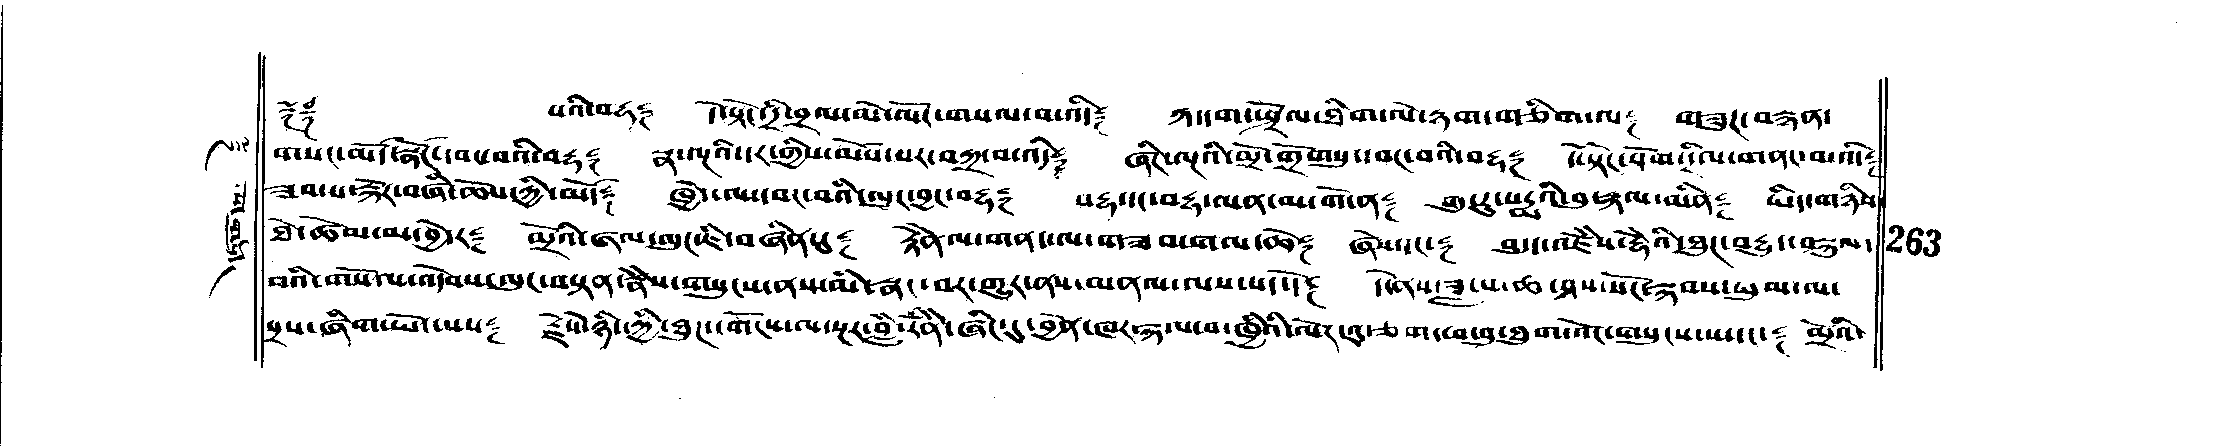པའི་བརྡ། །དེ་སྟེང་དྲི་བྲལ་མེ་ལོང་གསལ་བ་འདི། །ཀ་དག་སྤྲོས་བྲལ་ཐིག་ལེ་ཉག་གཅིག་ལ། །གཟུགས་བརྙན་
གསང་མཛོད་སྣ་ཚོགས་དབང་བའི་བརྡ། །སྣ་ལྔའི་དར་གྱིས་མཛེས་པར་བཀྲ་བ་འདི། །ཞིང་ལྔའི་མཁའ་འགྲོ་གྲོགས་སུ་དབང་བའི་བརྡ། །དེ་སྟེང་ཤོག་དྲིལ་གནང་བ་འདི། །
ཟབ་པ་སྐོར་བཞི་ཆོས་ཀྱི་མཛོད། ཁྱེད་ལ་དབང་བའི་ལུང་བྱང་བརྡ། །བརྡ་དང་བརྡ་ལན་མ་གོ་ན། །གུ་རུ་པདྨའི་བུ་སྐལ་མིན། །ཡིད་གཉིས་
ཐེ་ཚོམ་མ་བྱེད་པར། །མཁའ་འགྲོའི་ཞལ་ལུང་ཇི་བཞིན་དུ། །རྟེན་འབྲེལ་གནད་ལ་གཟབ་གལ་ཆེ། །ཞེས་དང་། བདུད་འཇོམས་རྡོ་རྗེའི་ཐུགས་བརྒྱུད་བསྐུལ་
བའི་གསོལ་འདེབས་ལུང་བསྟན་རྣམས་གསུངས་ནས་མི་སྣང་བར་གྱུར་པས་མནལ་ལས་སད་དོ། དེ་ནས་ཟླ་བ་ཆ་ཤས་སོང་སྐབས་ཡུམ་ལ་
སྲས་ཞིག་ཡོད་པས། རྗེ་དེ་ཉིད་ཀྱི་ཐུགས་དགོངས་ལ་སྔར་བླ་མ་རིན་པོ་ཆེ་ཞིང་དུ་བྱོན་ཁར་བསྐལ་པ་ཁྱིའི་ལོར་འུ་ཅག་ཕ་བུ་ཐུག་འོང་གསུངས་པ་དང་། མཁའ་འགྲོའི་